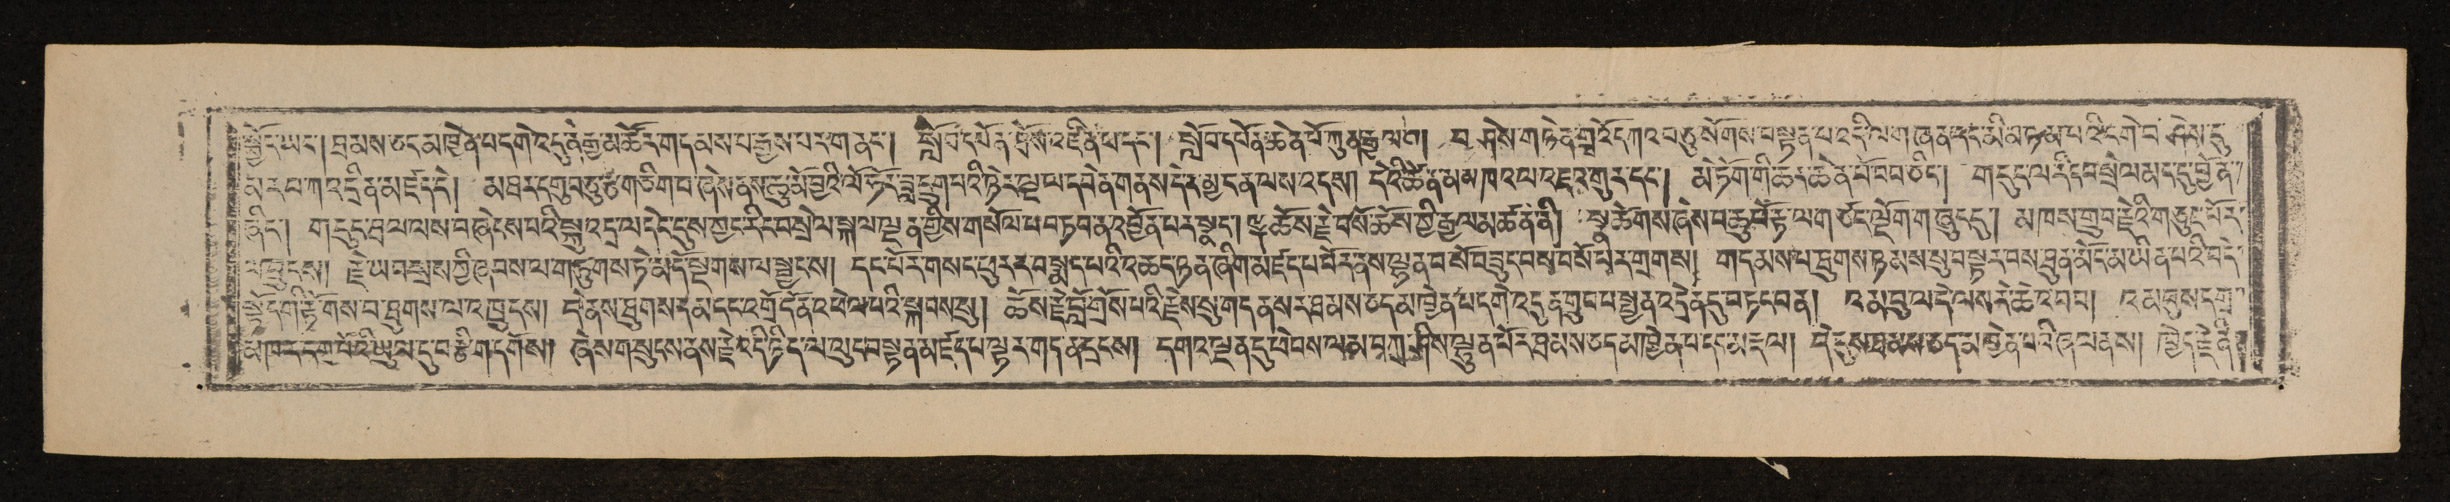སྐྱོང་ཡང་། ཐམས་ཅད་མཁྱེན་པ་དགེ་འདུན་རྒྱ་མཚོར་གདམས་པ་རྒྱས་པར་གནང་། སློབ་དཔོན་ཐོས་འཛིན་པ་དང་། སློབ་དཔོན་ཆེན་པོ་གུན་རྒྱལ་བ། བཤེས་གཉེན་གྲྭའོ་དཀའ་བཅུ་སོགས་བསྟན་པ་འདི་ལ་གཞན་དང་མི་མཉམ་པའི་དགེ་བཤེས་དུ་
མར་བཀའ་དྲིན་མཛད་དེ། མཐར་དགུ་བཅུ་རྩ་གཅིག་བཞེས་ནས་ཆུ་མོ་བྱའི་ལོ་ཧོར་ཟླ་དྲུག་པའི་ཉེར་ལྔ་ལ་དཔེན་གནས་དེར་མྱ་ངན་ལས་འདས། དེའི་ཚེ་ནམ་མཁའ་ལ་འཇའ་གུར་དང་། མེ་ཏོག་གི་ཆར་ཆེན་པོ་བབ་ཅིང་། གདུང་ལ་རིང་བསྲེལ་མང་དུ་བྱོན་
ཞིང༑ གདུང་ཐལ་ལས་བཞེངས་པའི་སྐུ་འདྲ་ལ་དེང་དུས་ཀྱང་རིང་བསྲེལ་སྐལ་ལྡན་གྱིས་གསོལ་པ་བཏབ་ན་འབྱོན་པར་སྣང་། ༈ ཆོས་རྗེ་བ་སོ་ཆོས་ཀྱི་རྒྱལ་མཚན་ནི། སྣ་ཚོགས་ཞེས་པ་ཆུ་ཕོ་རྟ་མ་གཙང་ལྡོག་གཞུང་དུ། མཁས་གྲུབ་རྗེའི་གཅུང་བོར་
འཁྲུངས། རྗེ་ཡབ་སྲས་ཀྱི་ཞབས་ལ་གཏུགས་ཏེ་མདོ་སྔགས་ལ་སྦྱངས། དང་པོར་གསང་ཕུར་ར་བ་སྨད་པའི་འཆད་ཉན་ཞིག་མཛད་པ་པོར་ནས་ལྟན་པ་སོ་བཟུང་བས་བོས་བར་གྲགས། གདམས་པ་ཐུགས་ཉམས་སུ་བསྟར་བས་ཐུན་མོང་མ་ཡིན་པའི་བདེ་
སྟོང་གི་རྟོགས་པ་ཐུགས་ལ་འཁྲུངས། དེ་ནས་ཐུགས་དམ་དང་འགྲོ་དོན་འཕེལ་བའི་སྐབས་སུ། ཆོས་རྗེ་བློ་གྲོས་པའི་རྗེས་སུ་གདན་སར་ཐམས་ཅད་མཁྱེན་པ་དགེ་འདུན་གྲུབ་པ་སྤྱན་འདྲེན་དུ་བཏང་བ་ན། འམ་བུ་ལ་དེ་ལས་རེ་ཆེ་འབབ། འམ་བུས་དགྲ་
མཁར་དགྲ་བོའི་ཡུལ་དུ་བརྩིག་དགོས། ཞེས་གསུངས་ནས་རྗེ་འདི་ཉིད་ལ་ལུང་བསྟན་མཛད་པ་ལྟར་གདན་དྲངས། དགའ་ལྡན་དུ་ཕེབས་ལམ་བཀྲ་ཤིས་ལྷུན་པོར་ཐམས་ཅད་མཁྱེན་པ་དང་མཇལ། དེ་དུས་ཐམས་ཅད་མཁྱེན་པའི་ཞལ་ནས། ཁྱེད་རྗེའི་